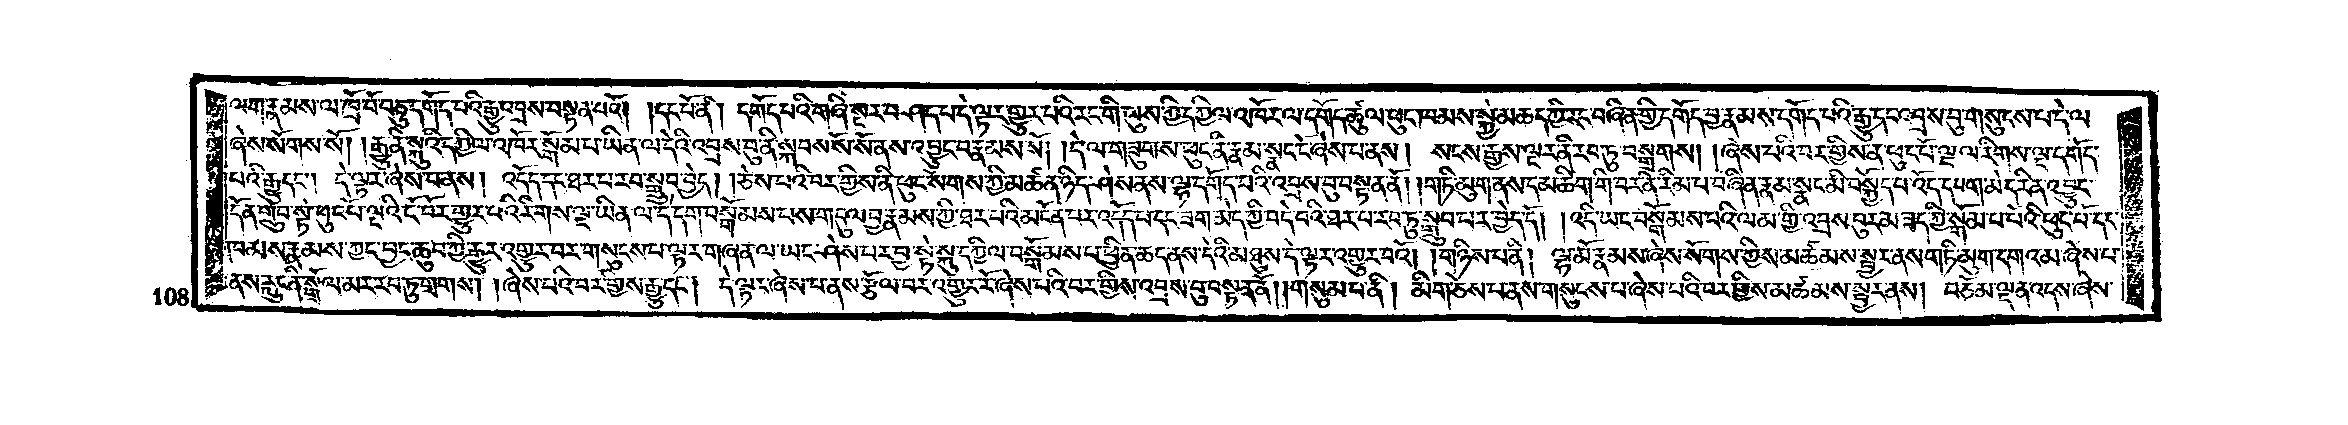ལག་རྣམས་ལ་ཁྲོ་བོ་བཅུ་དགོད་པའི་རྒྱུ་འབྲས་བསྟན་པའོ། །དང་པོ་ནི། དགོད་པའི་གཞི་སྔར་བཤད་པ་དེ་ལྟར་གྱུར་པའི་རང་གི་ལུས་ཀྱི་དཀྱིལ་འཁོར་ལ་དགོད་ཚུལ་ཕུང་ཁམས་སྐྱེ་མཆེད་ཀྱི་རང་བཞིན་གྱི་དགོད་བྱ་རྣམས་དགོད་པའི་རྒྱུ་དང་འབྲས་བུ་གསུངས་པ་དེ་ལ་
ཞེས་སོགས་སོ། །རྒྱུ་ནི་སྐུའི་དཀྱིལ་འཁོར་སྒོམ་པ་ཡིན་ལ་དེའི་འབྲས་བུ་ནི་སྐབས་སོ་སོ་ནས་འབྱུང་བ་རྣམས་སོ། །དེ་ལ་གཟུགས་ཕུང་ནི་རྣམ་སྣང་ངོ་ཞེས་པ་ནས། སངས་རྒྱས་ལྔར་ནི་རབ་ཏུ་བསྒྲགས། །ཞེས་པའི་བར་གྱིས་ན་ཕུང་པོ་ལྔ་ལ་རིགས་ལྔ་དགོད་
པའི་རྒྱུ་དང་། དེ་ལྟར་ཞེས་པ་ནས། འདོད་དང་ཐར་པ་རབ་སྒྲུབ་བྱེད། །ཅེས་པའི་བར་གྱིས་ན་ཕུང་སོགས་ཀྱི་མཚན་ཉིད་ཤེས་ནས་ལྷ་དགོད་པའི་འབྲས་བུ་བསྟན་ནོ། །གཏི་མུག་ནས་དམ་ཚིག་གི་བར་ནི་རིམ་པ་བཞིན་རྣམ་སྣང་མི་བསྐྱོད་པ་འོད་དཔག་མེད་རིན་འབྱུང་
དོན་གྲུབ་སྟེ་ཕུང་པོ་ལྔའི་ངོ་བོར་གྱུར་པའི་རིགས་ལྔ་ཡིན་ལ་དེ་དག་བསྒོམས་པས་གདུལ་བྱ་རྣམས་ཀྱི་ཐར་པའི་མངོན་པར་འདོད་པ་དང་ཟག་མེད་ཀྱི་བདེ་བའི་ཐར་པ་རབ་ཏུ་སྒྲུབ་པར་བྱེད་དོ། །འདི་ཡང་བསྒོམས་པའི་ལམ་གྱི་འབྲས་བུར་མ་ཟད་ཀྱི་སྒོམ་པ་པོའི་ཕུང་པོ་དང་
ཁམས་རྣམས་ཀྱང་བྱང་ཆུབ་ཀྱི་རྒྱུར་འགྱུར་བར་གསུངས་པ་ལྟར་གཞན་ལ་ཡང་ཤེས་པར་བྱ་སྟེ་སྐུ་དཀྱིལ་བསྒོམས་པ་ཕྱིན་ཆད་ནས་དེའི་མཐུས་དེ་ལྟར་འགྱུར་བའོ། །གཉིས་པ་ནི། ལྷ་མོ་རྣམས་ཞེས་སོགས་ཀྱིས་མཚམས་སྦྱར་ནས་གཏི་མུག་དགའ་མ་ཞེས་པ་
ནས་རླུང་ནི་སྒྲོལ་མར་རབ་ཏུ་གྲགས། །ཞེས་པའི་བར་གྱིས་རྒྱུ་དང་། དེ་ལྟར་ཞེས་པ་ནས་རྩོལ་བར་འགྱུར་རོ་ཞེས་པའི་བར་གྱིས་འབྲས་བུ་བསྟན་ནོ། །གསུམ་པ་ནི། མིག་ཅེས་པ་ནས་གསུངས་པ་ཞེས་པའི་བར་གྱིས་མཚམས་སྦྱར་ནས། བཅོམ་ལྡན་འདས་ཞེས་